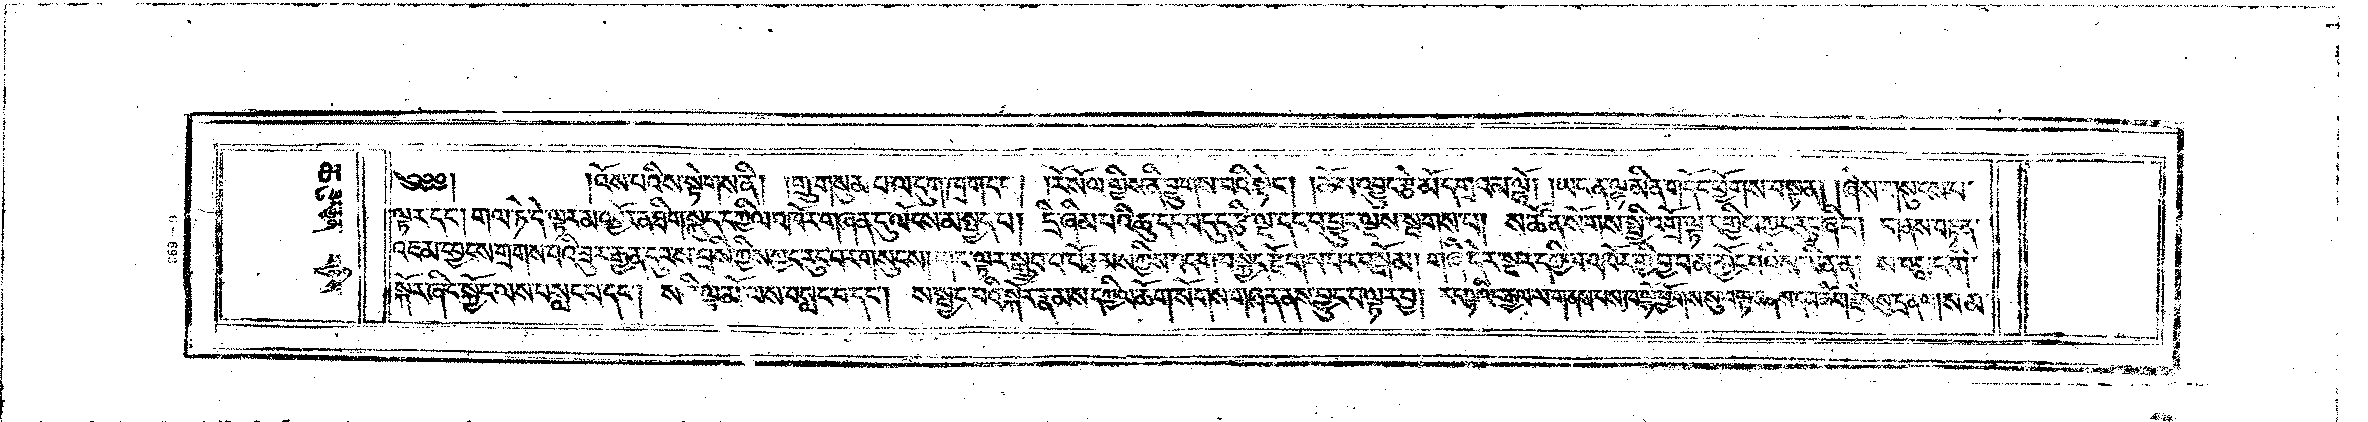༄༅༅། །འོས་པའི་ས་སྟེགས་ནི། །གྲུ་གསུམ་པ་ལ་དུག་ཁྲག་དང་། །རོ་སོལ་གྱིས་ནི་བྱུགས་བའི་སྟེང་། །ཆོས་འབྱུང་རྩེ་མོ་དགྲའམ་ལྷོ། །ཡང་ན་ལྷ་མིན་གདོང་ཕྱོགས་བསྟན། །ཞེས་གསུངས་པ་
ལྟར་དང་། གལ་ཏེ་དེ་ལྟར་མ་འབྱོར་ན་ཐིག་སྐུད་དཀྱིལ་འཁོར་གཞན་དུ་ལོངས་མ་སྤྱད་པ། དྲི་ཞིམ་པའི་ཆུ་དང་བདུད་རྩི་ལྔ་དང་བ་བྱུང་ལྔས་སྦགས་པ། ས་ཚོན་སོགས་སྤྱི་འགྲོ་ལྟར་གྱིས་ཀྱང་རུང་ཞིང་། གནས་བརྟན་
འཇམ་དབྱངས་གྲགས་པའི་ཟུར་རྒྱན་དུ་རས་བྲིས་ཀྱིས་ཀྱང་རུང་བར་གསུངས། གང་ལྟར་སྒྲུབ་པ་པོ་རྣམས་ཀྱིས་བདག་བསྐྱེད་རྫོགས་པར་བསྒོམ། གཞིར་དེར་སྔར་དཀྱིལ་འཁོར་གྱི་བྱ་བ་མ་མྱོང་བའི་ས་ཡིན་ན། ས་བསླང་གི་
སྐོར་ཞིང་སྐྱོང་ལས་བསླང་བ་དང་། སའི་ལྷ་མོ་ལས་བསླང་བ་དང་། ས་སྦྱང་བའི་སྐོར་རྣམས་དཀྱིལ་ཆོག་སོགས་གཞན་ནས་བྱུང་བ་ལྟར་བྱ། རང་ལྷའི་ང་རྒྱལ་ལ་གནས་གནས་པས། ཁ་ལྷོ་ཕྱོགས། སུ་བལྟར་ནས་དམ་ཚིག་རྗེས་སུ་དྲན་ལ། ས་མ་